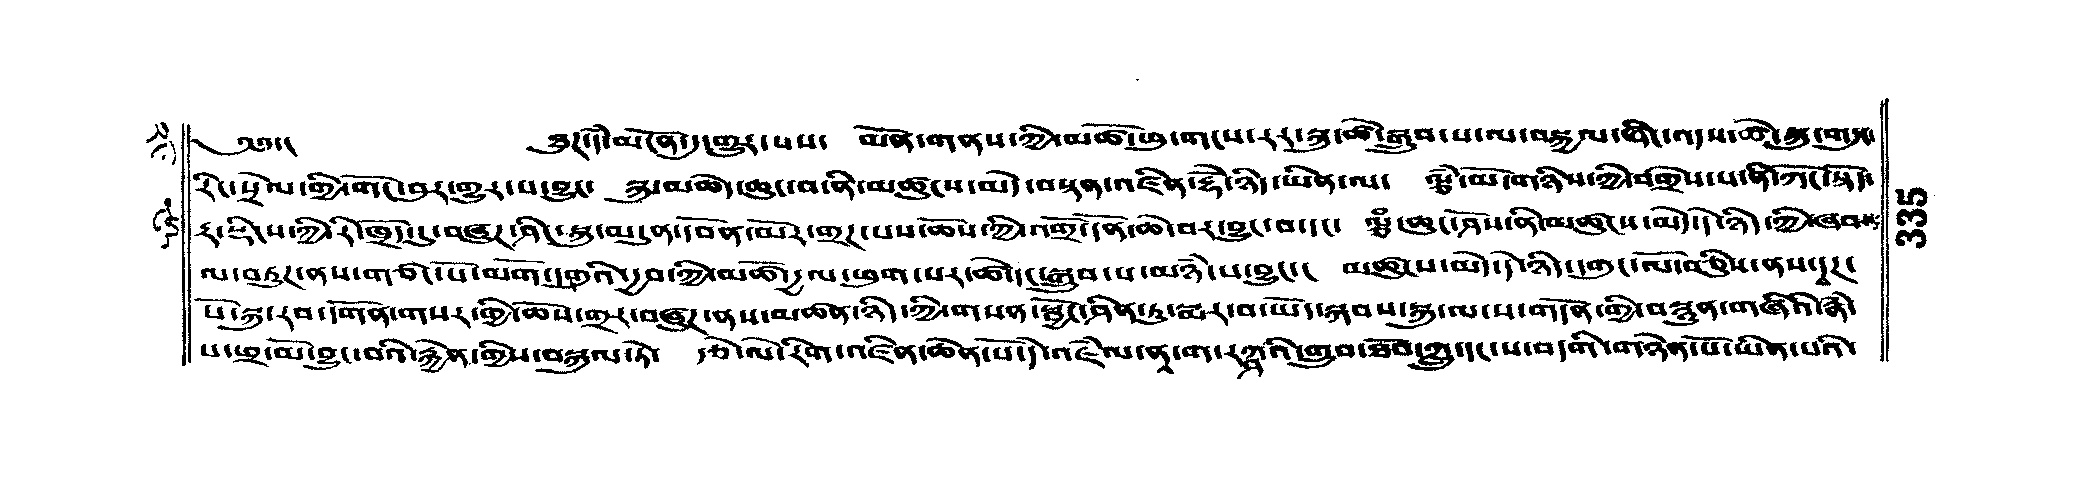ཐུགས་དམ་མངོན་དུ་གྱུར་པས། མོན་གནས་ཀྱི་མཚོ་ཕུ་གངས་རར་སྐུ་ཚེ་སྒྲུབ་པ་ལ་བསྐྱལ་ཞིང་འདས་ཚེ་སྐུ་གདུང་
རིང་སྲེལ་གྱི་གོང་བུར་གྱུར་པ་བྱུང་། སྐུ་མཆེད་ཆུང་བ་ནི་མཚུངས་མེད་བསྟན་འཛིན་རྡོ་རྗེ་ཉིད་ཡིན་ལ། ལྕམ་མོ་གཉིས་ཀྱི་བགྲེས་པ་ནི་ཀོང་སྟོད་
རྟ་སྡིངས་ཀྱི་རི་ཁྲོད་དུ་བཞུགས་ཤིང་སྐུ་མདུན་དབོན་མོར་གྲགས་པས་ཆོས་ཀྱི་འགྲོ་དོན་ཆེ་བར་བྱུང་བ་དང་། ལྕམ་ཆུང་ཤོས་ནི་མཚུངས་མེད་དེ་ཉིད་ཞབས་
ལ་བཏུགས་ནས་གཙང་པོ་འགོ་དགུའི་རྒྱབ་ཀྱི་མཚོ་རྒྱལ་ཕུག་པར་ཚེ་དང་སྒྲུབ་པ་མཉམ་པ་བྱུང་། མཚུངས་མེད་དེ་ཉིད་དགུང་ལོ་བཅུ་གཉིས་ནས་དྭགས་
པོ་སྐུ་རབ་དགོན་གསར་གྱི་ཆོས་གྲྭར་བཞུགས་ནས་མཚན་ཉིད་ཀྱི་གསན་སྦྱོང་ཤིན་ཏུ་དམར་བ་ཡོད་སྐབས་སྐུ་ལ་ས་གདོན་གྱི་བསྙུན་གཞིའི་རྣམ་
པ་ཕྲ་མོ་བྱུང་བའི་རྐྱེན་གྱིས་བསྐུལ་ཏེ། རྩེ་ལེ་རིག་འཛིན་ཆེན་པོ་དེ་འཇམ་དཔལ་ནཱ་ག་རཀྴའི་གྲུབ་ཐོབ་ཀླུ་དང་ས་བདག་གི་གཉེན་པོ་ཡིན་པའི་